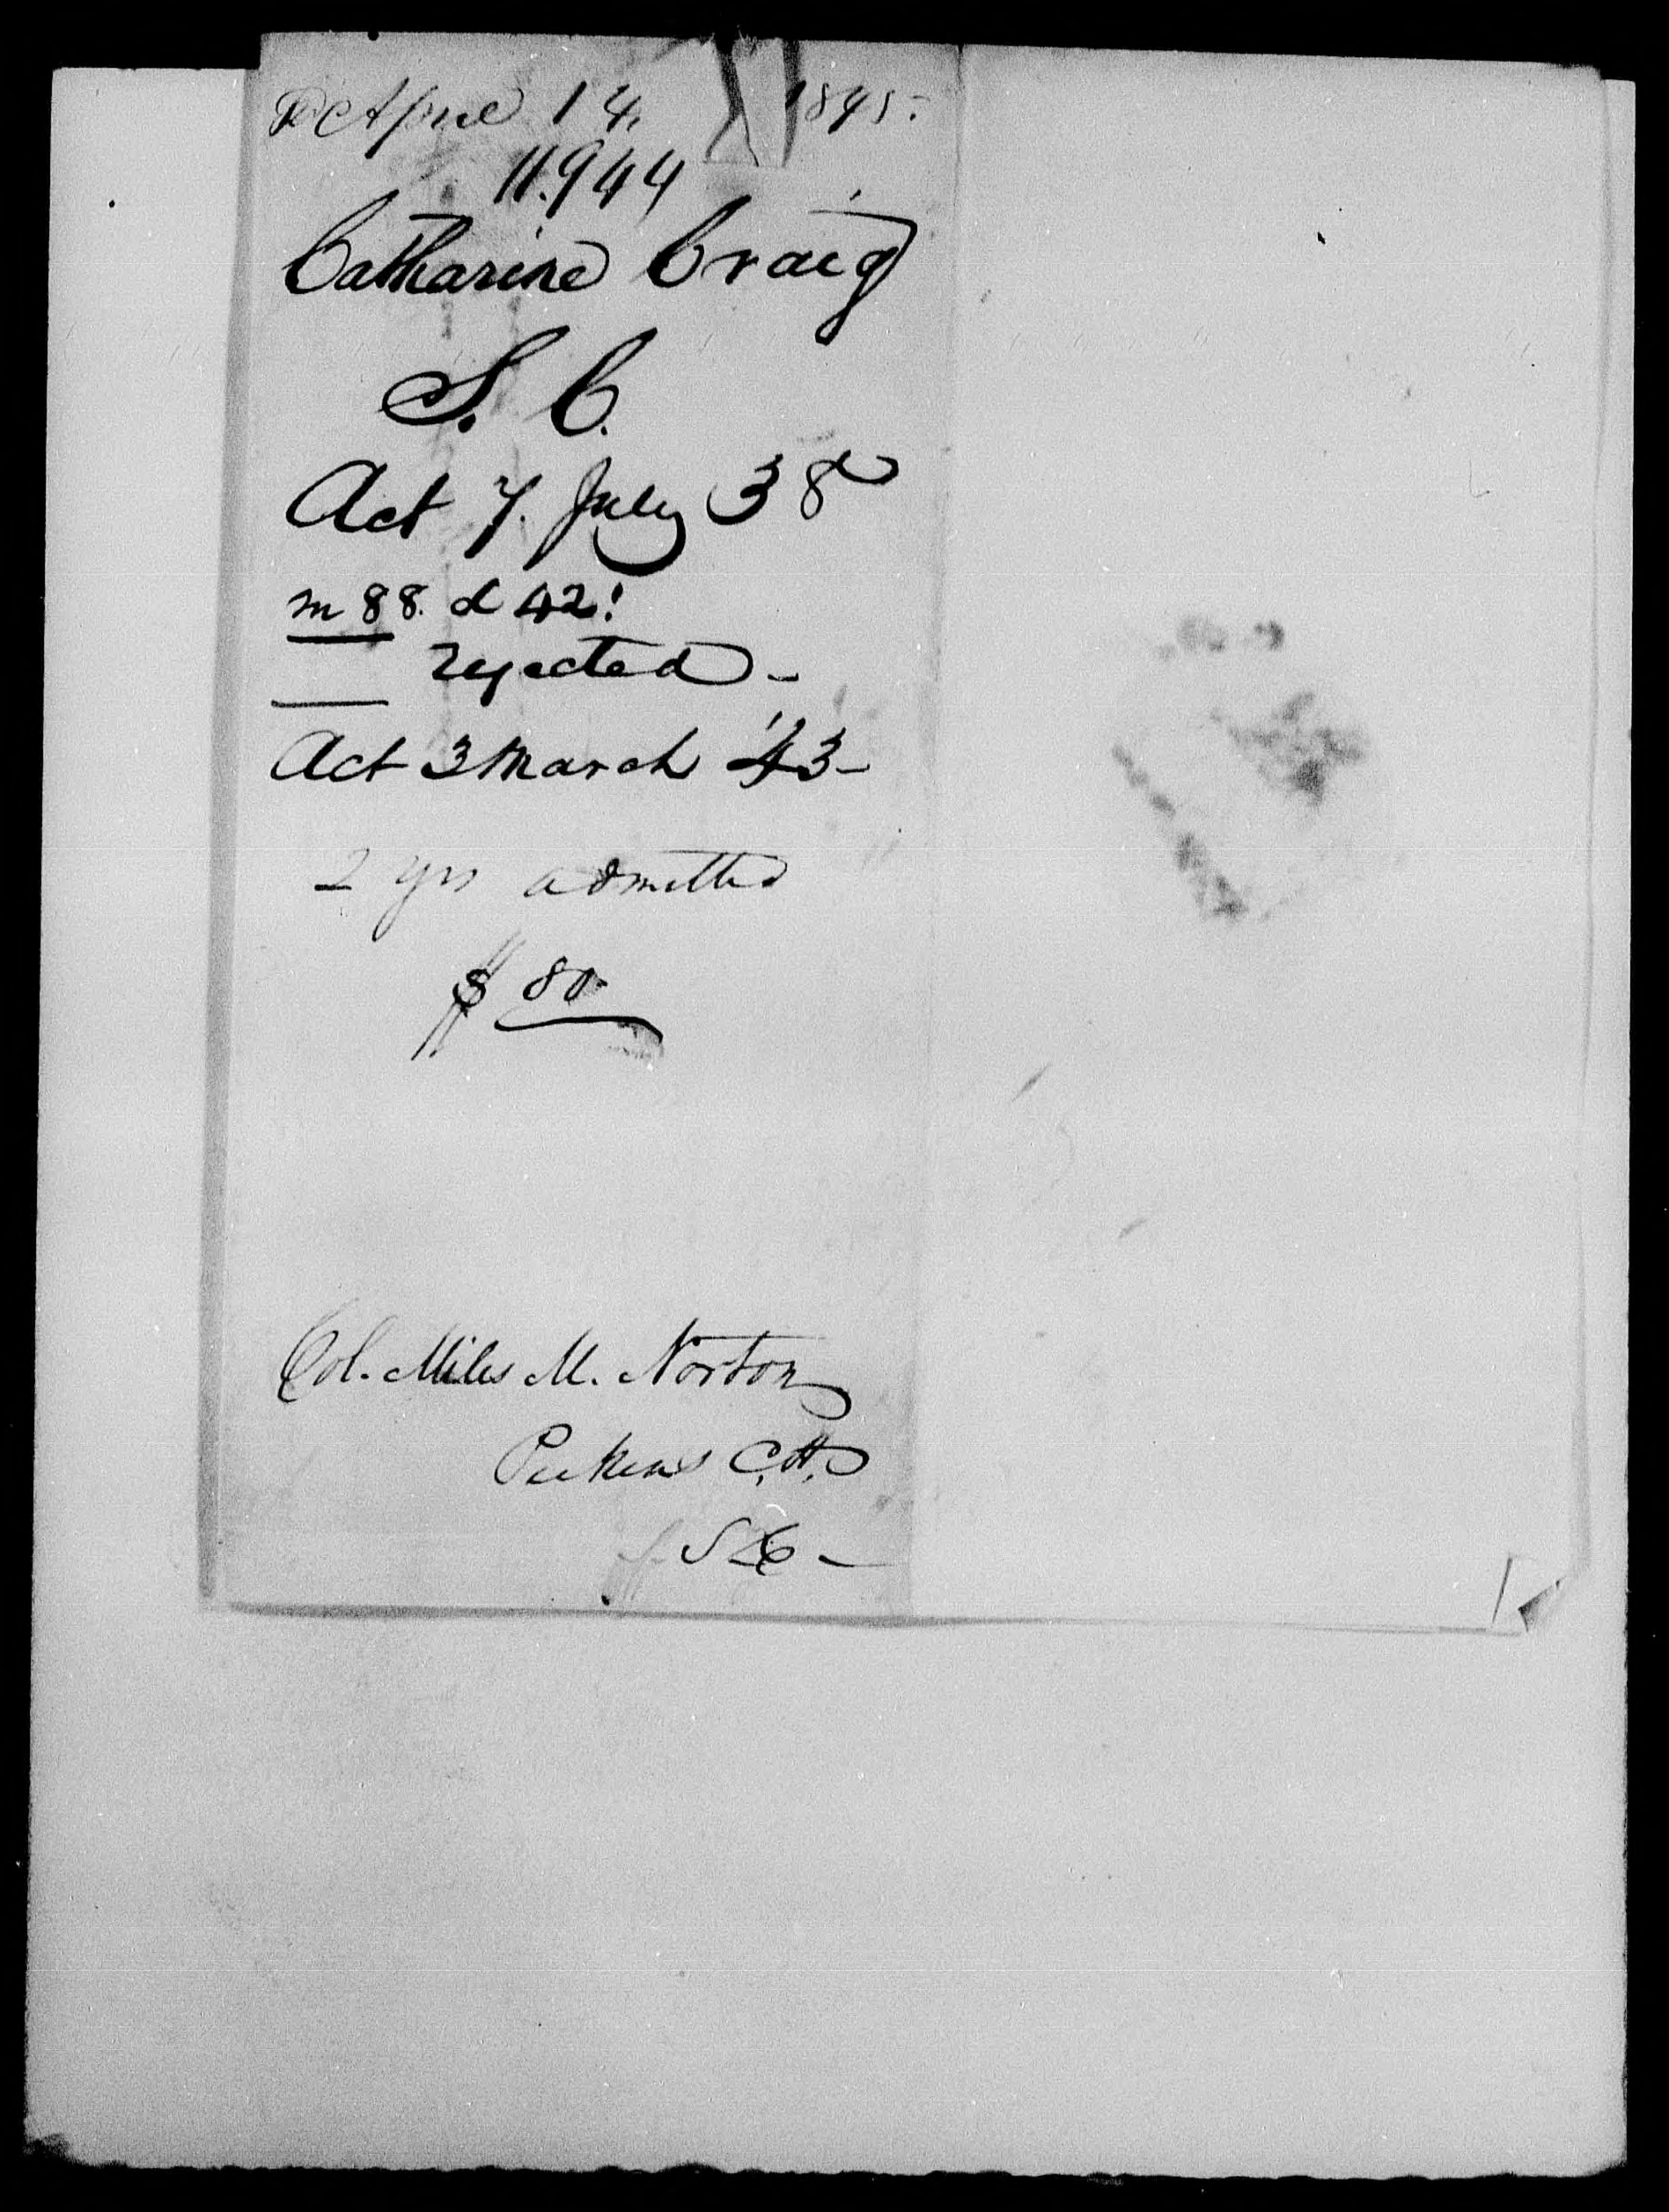April 14, 1845

11.944

Catharine Craig
S.C.
Act of 7 July 38

M 88 d 42!
rejected
Act 3 March '43

2 yrs admitted
$80

Col. Miles M. Norton
Pickens C.H.
SC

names: Catharine Craig, Miles M Norton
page: 8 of 55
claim: widow's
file: W. 22864, John Craig, S.C. Born In Iceland